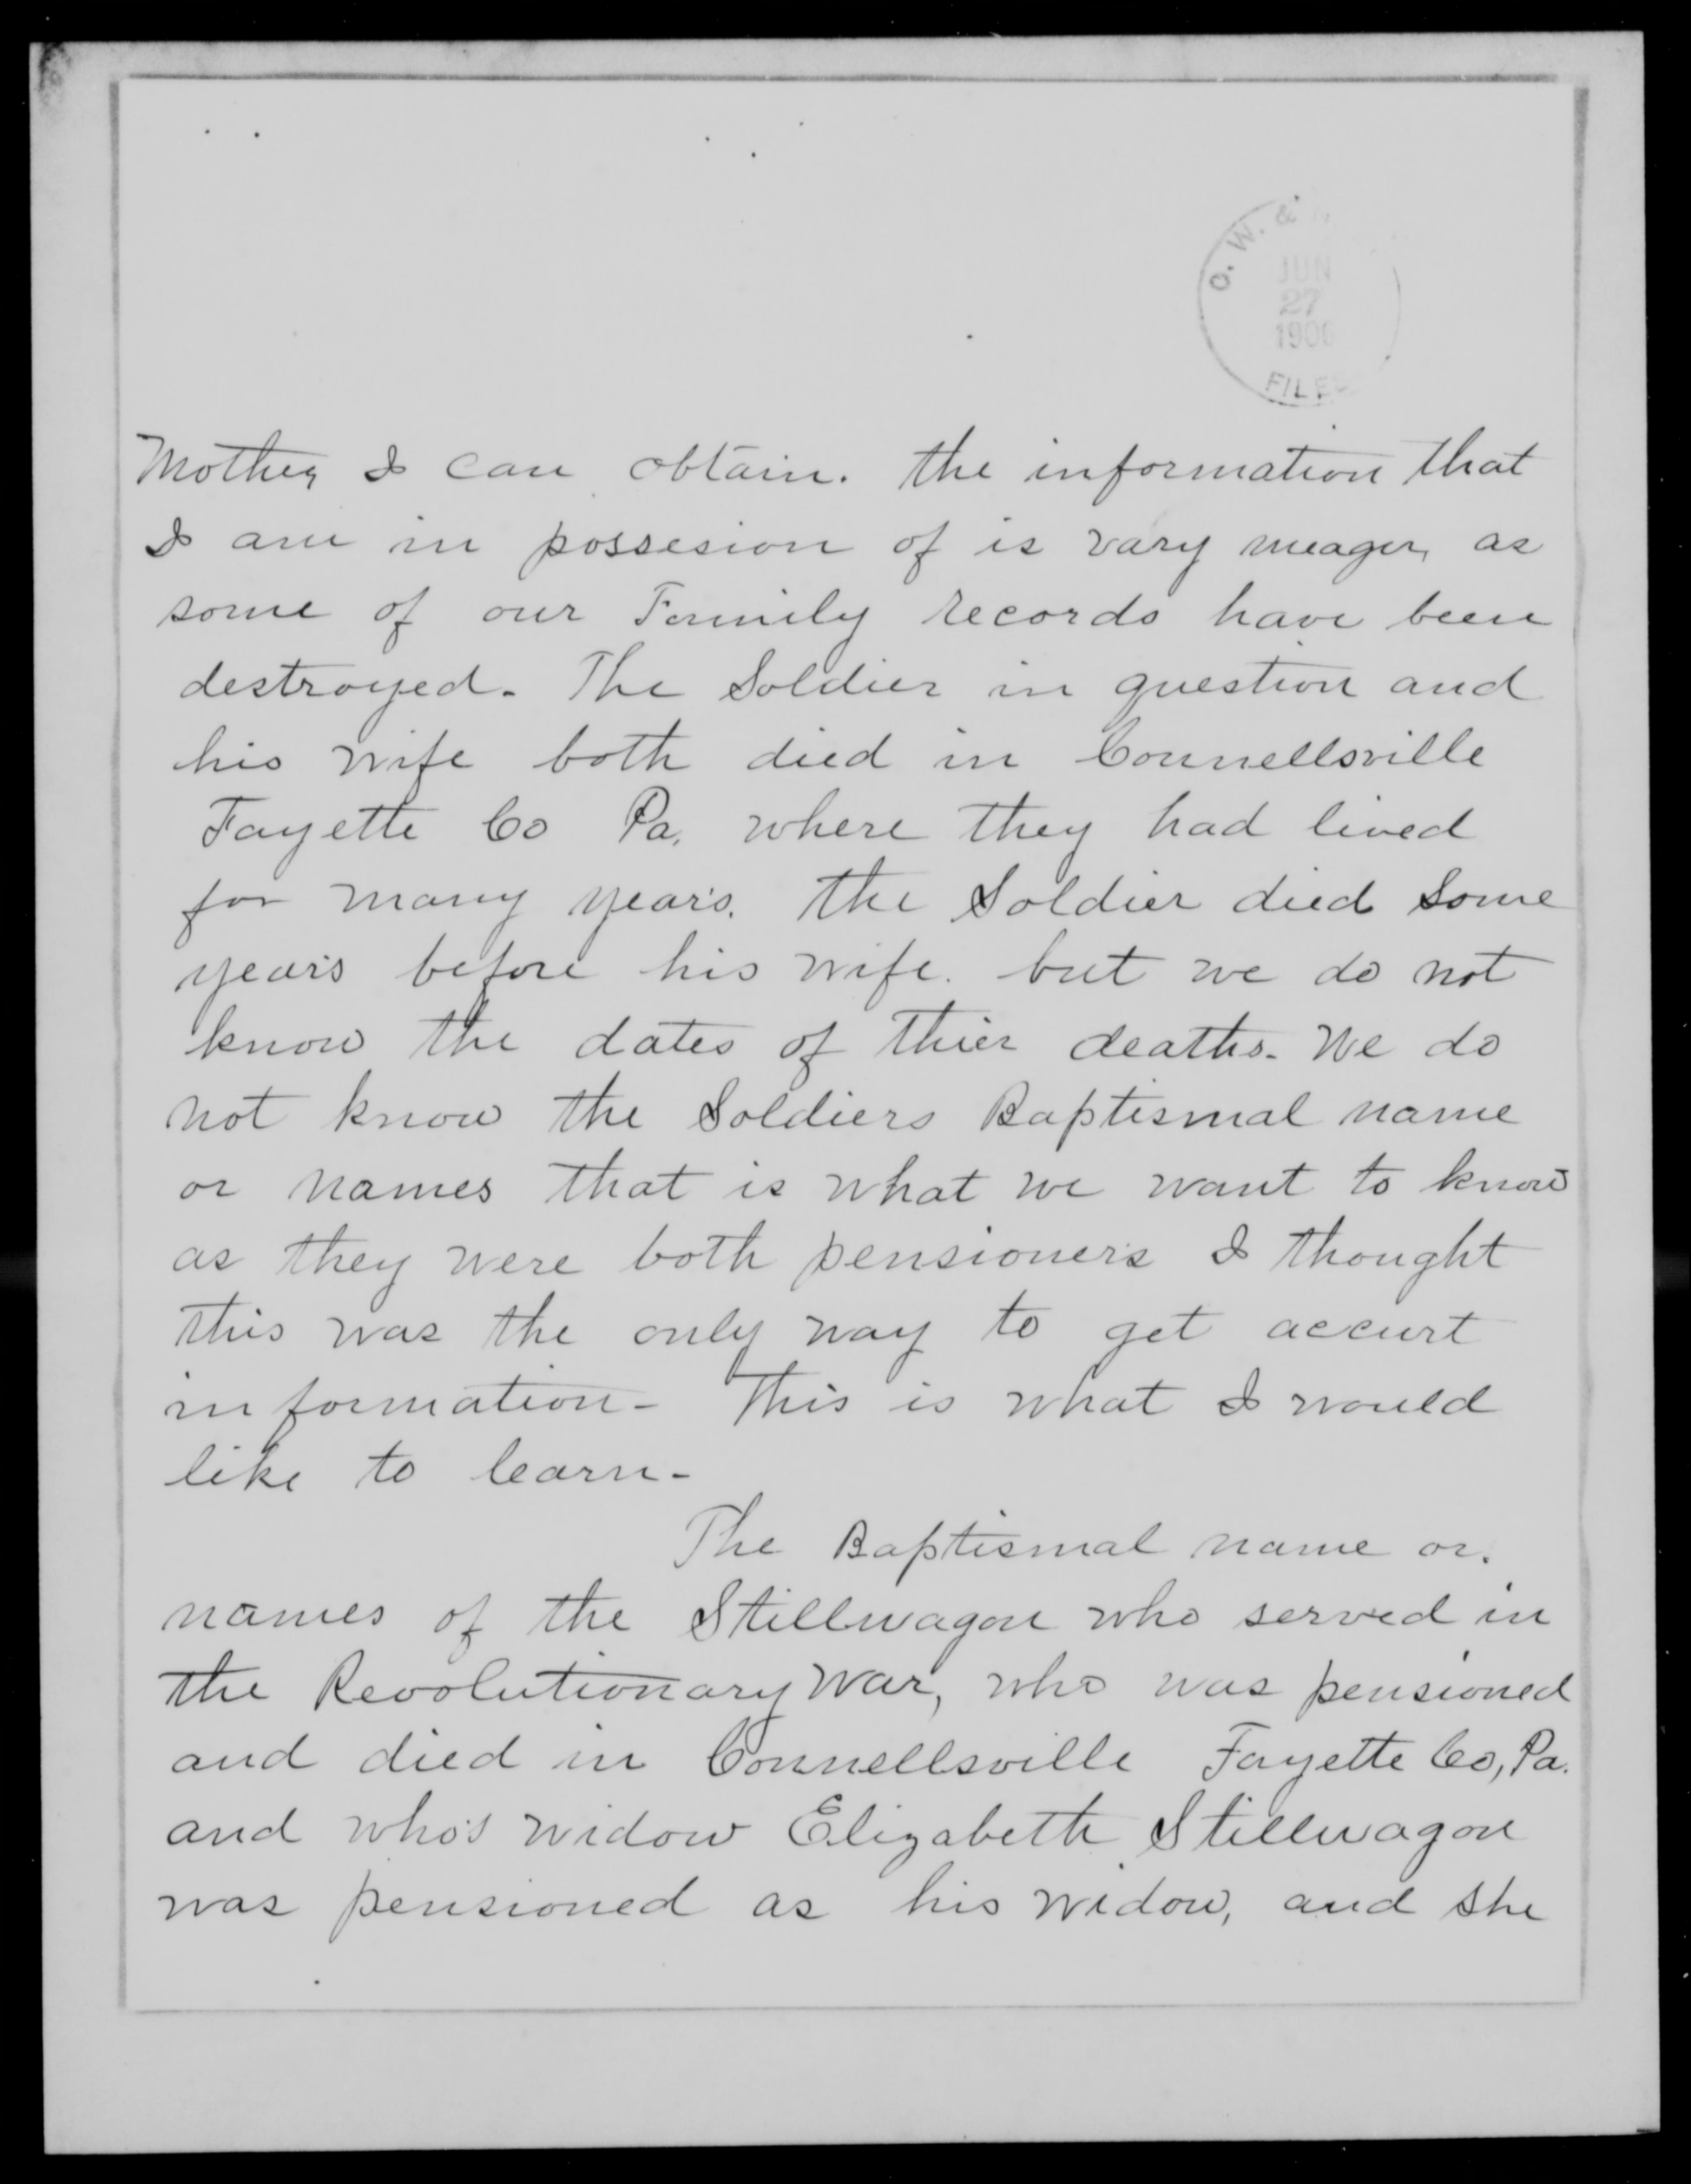Mother I can obtain. the [sic] information that I am in possession of is vary [sic] meager, as some of our Family records have been destroyed. The Soldier in question and his wife both died in Connellsville Fayette Co Pa. where soldier died some year’s [sic] before his wife but we do not know the dates of thier [sic] deaths. We do not know the Soldiers [sic] Baptismal name or names that is what we want to know as they were both pensioners I thought this was the only way to get accurt [sic] information. This is what I would like to learn.

The Baptismal name or names of the Stillwagon who served in the Revolutionary War, who was pensioned and who’s [sic] widow Elizabeth Stillwagon was pensioned as his widow and she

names: [BLANK] Stillwagon; Elizabeth Stillwagon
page: 41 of 73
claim: widow's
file: W. 3197, for Peter Stillwagon, New Jersey